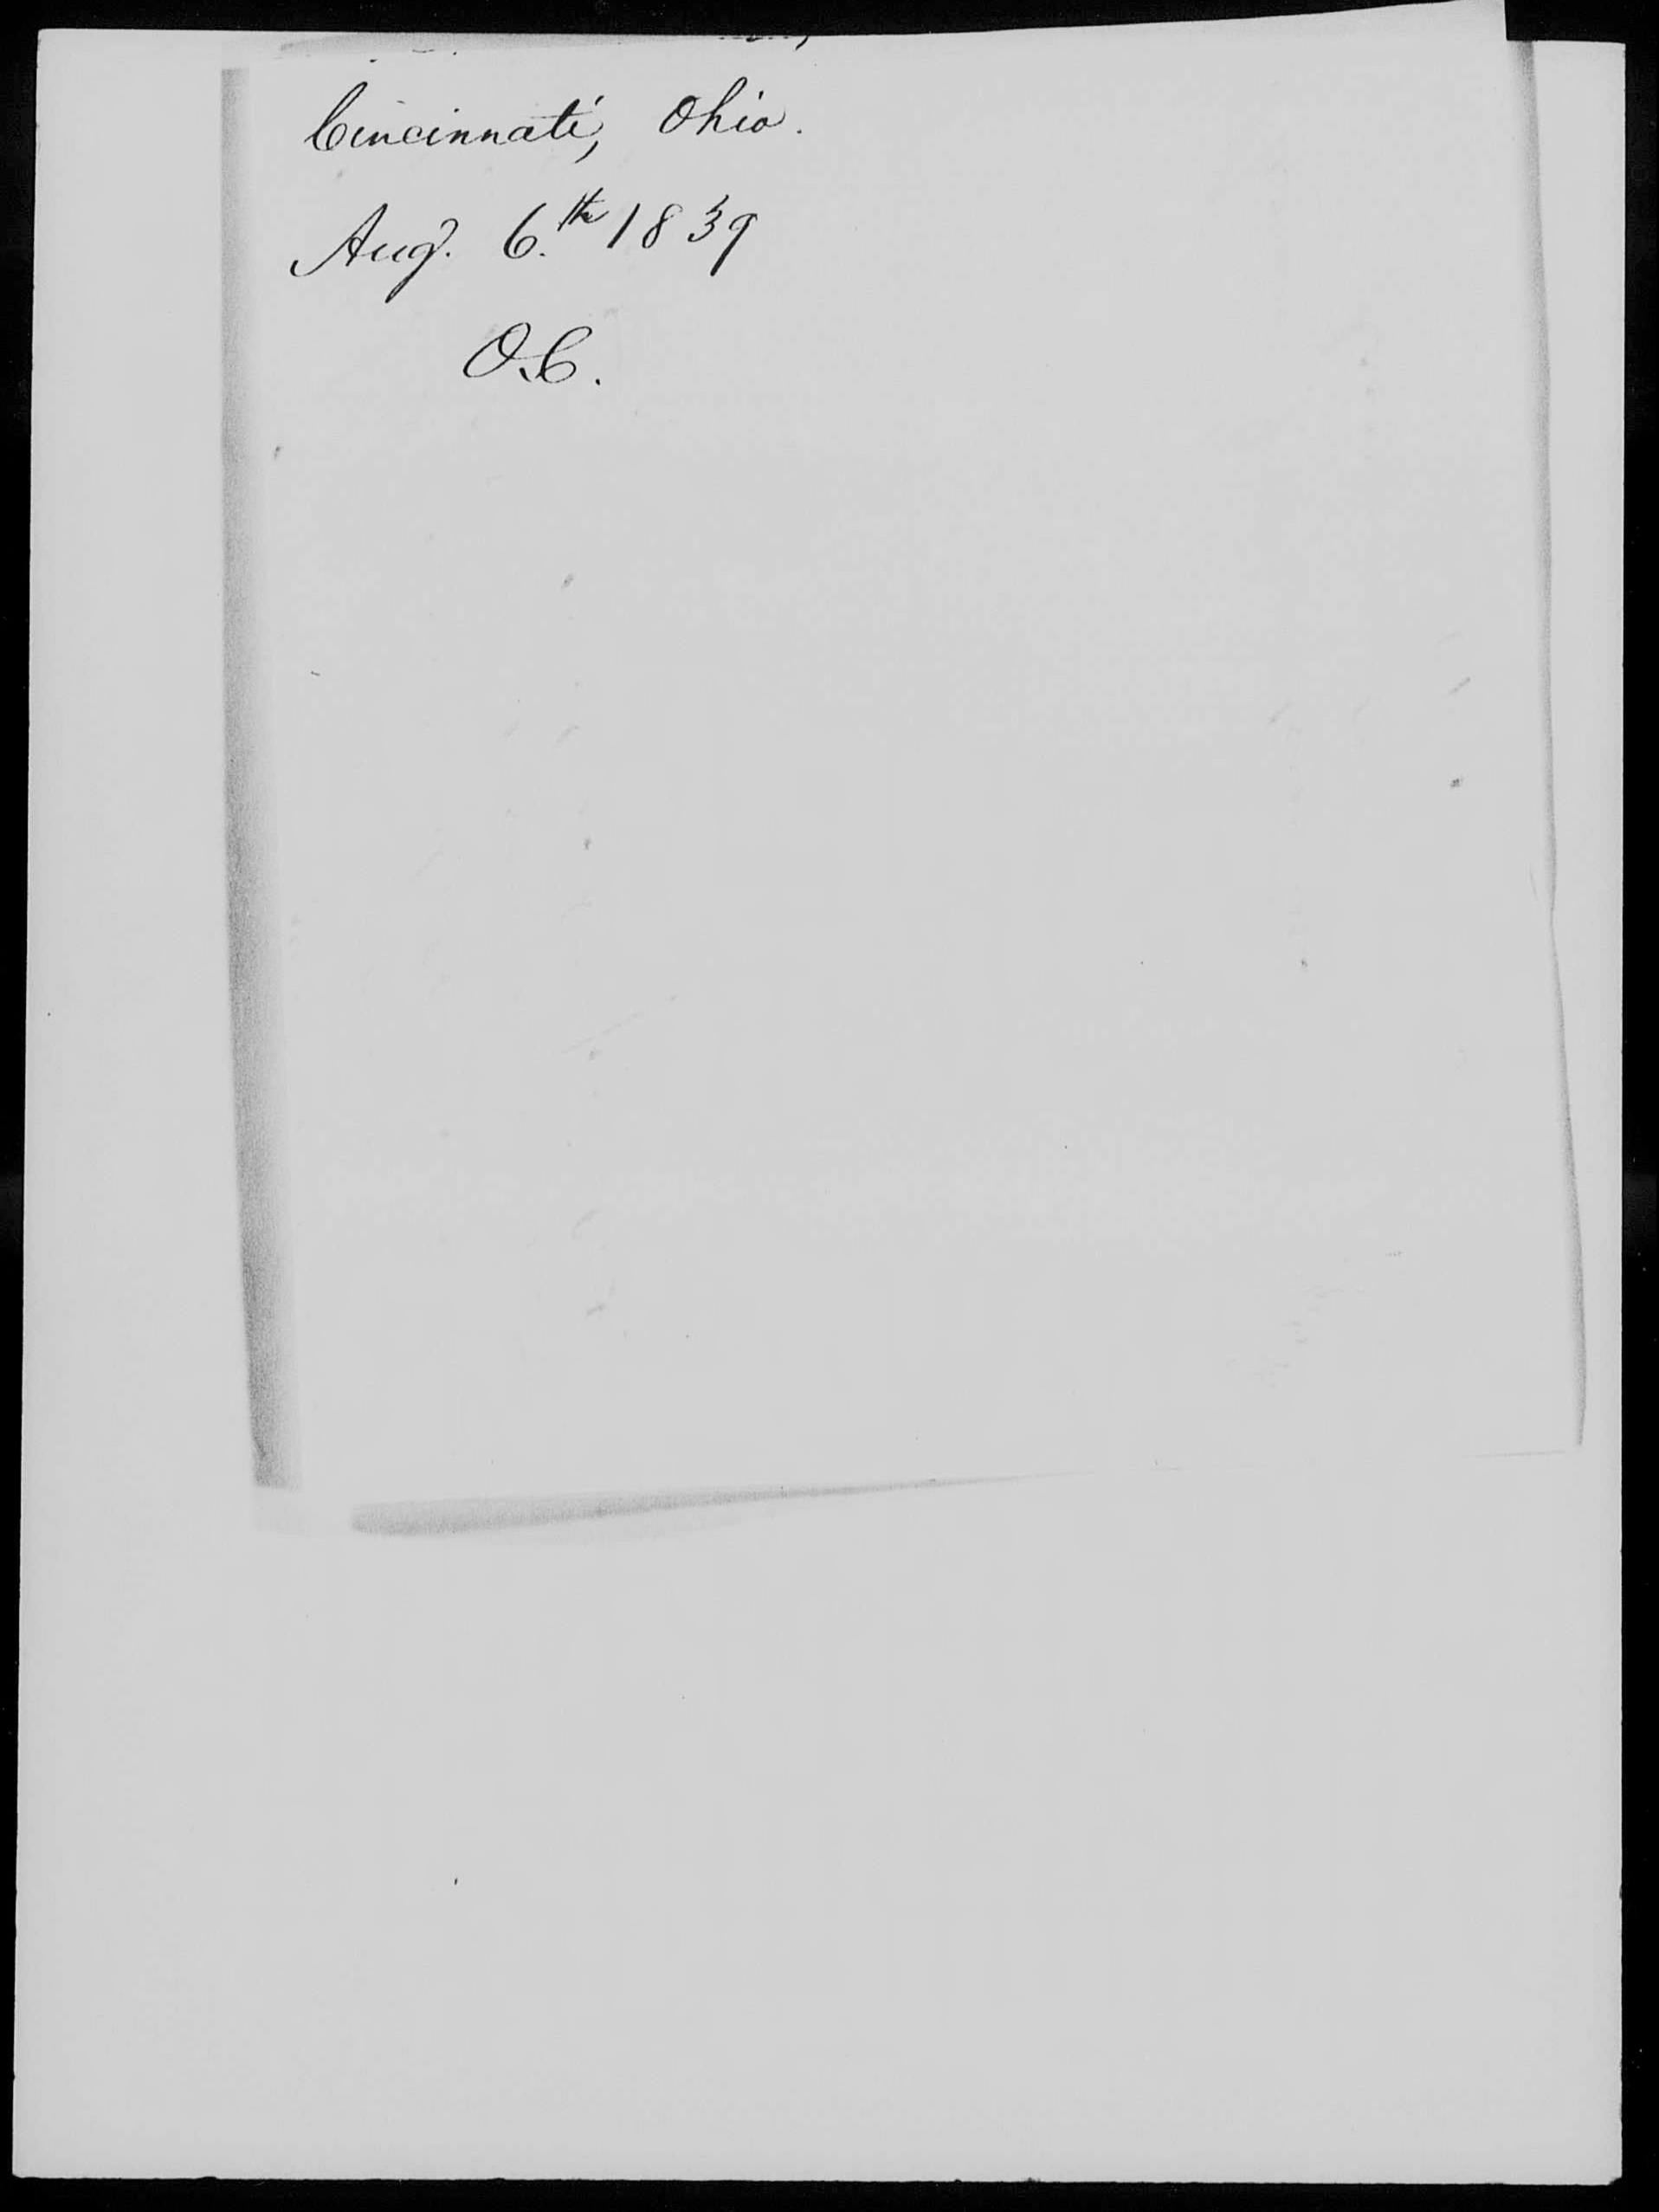Cincinnati Ohio
Aug 6th 1839
O.C.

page: 45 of 67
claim: rejected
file: R. 1009, Aaron Bonnel, New Jersey